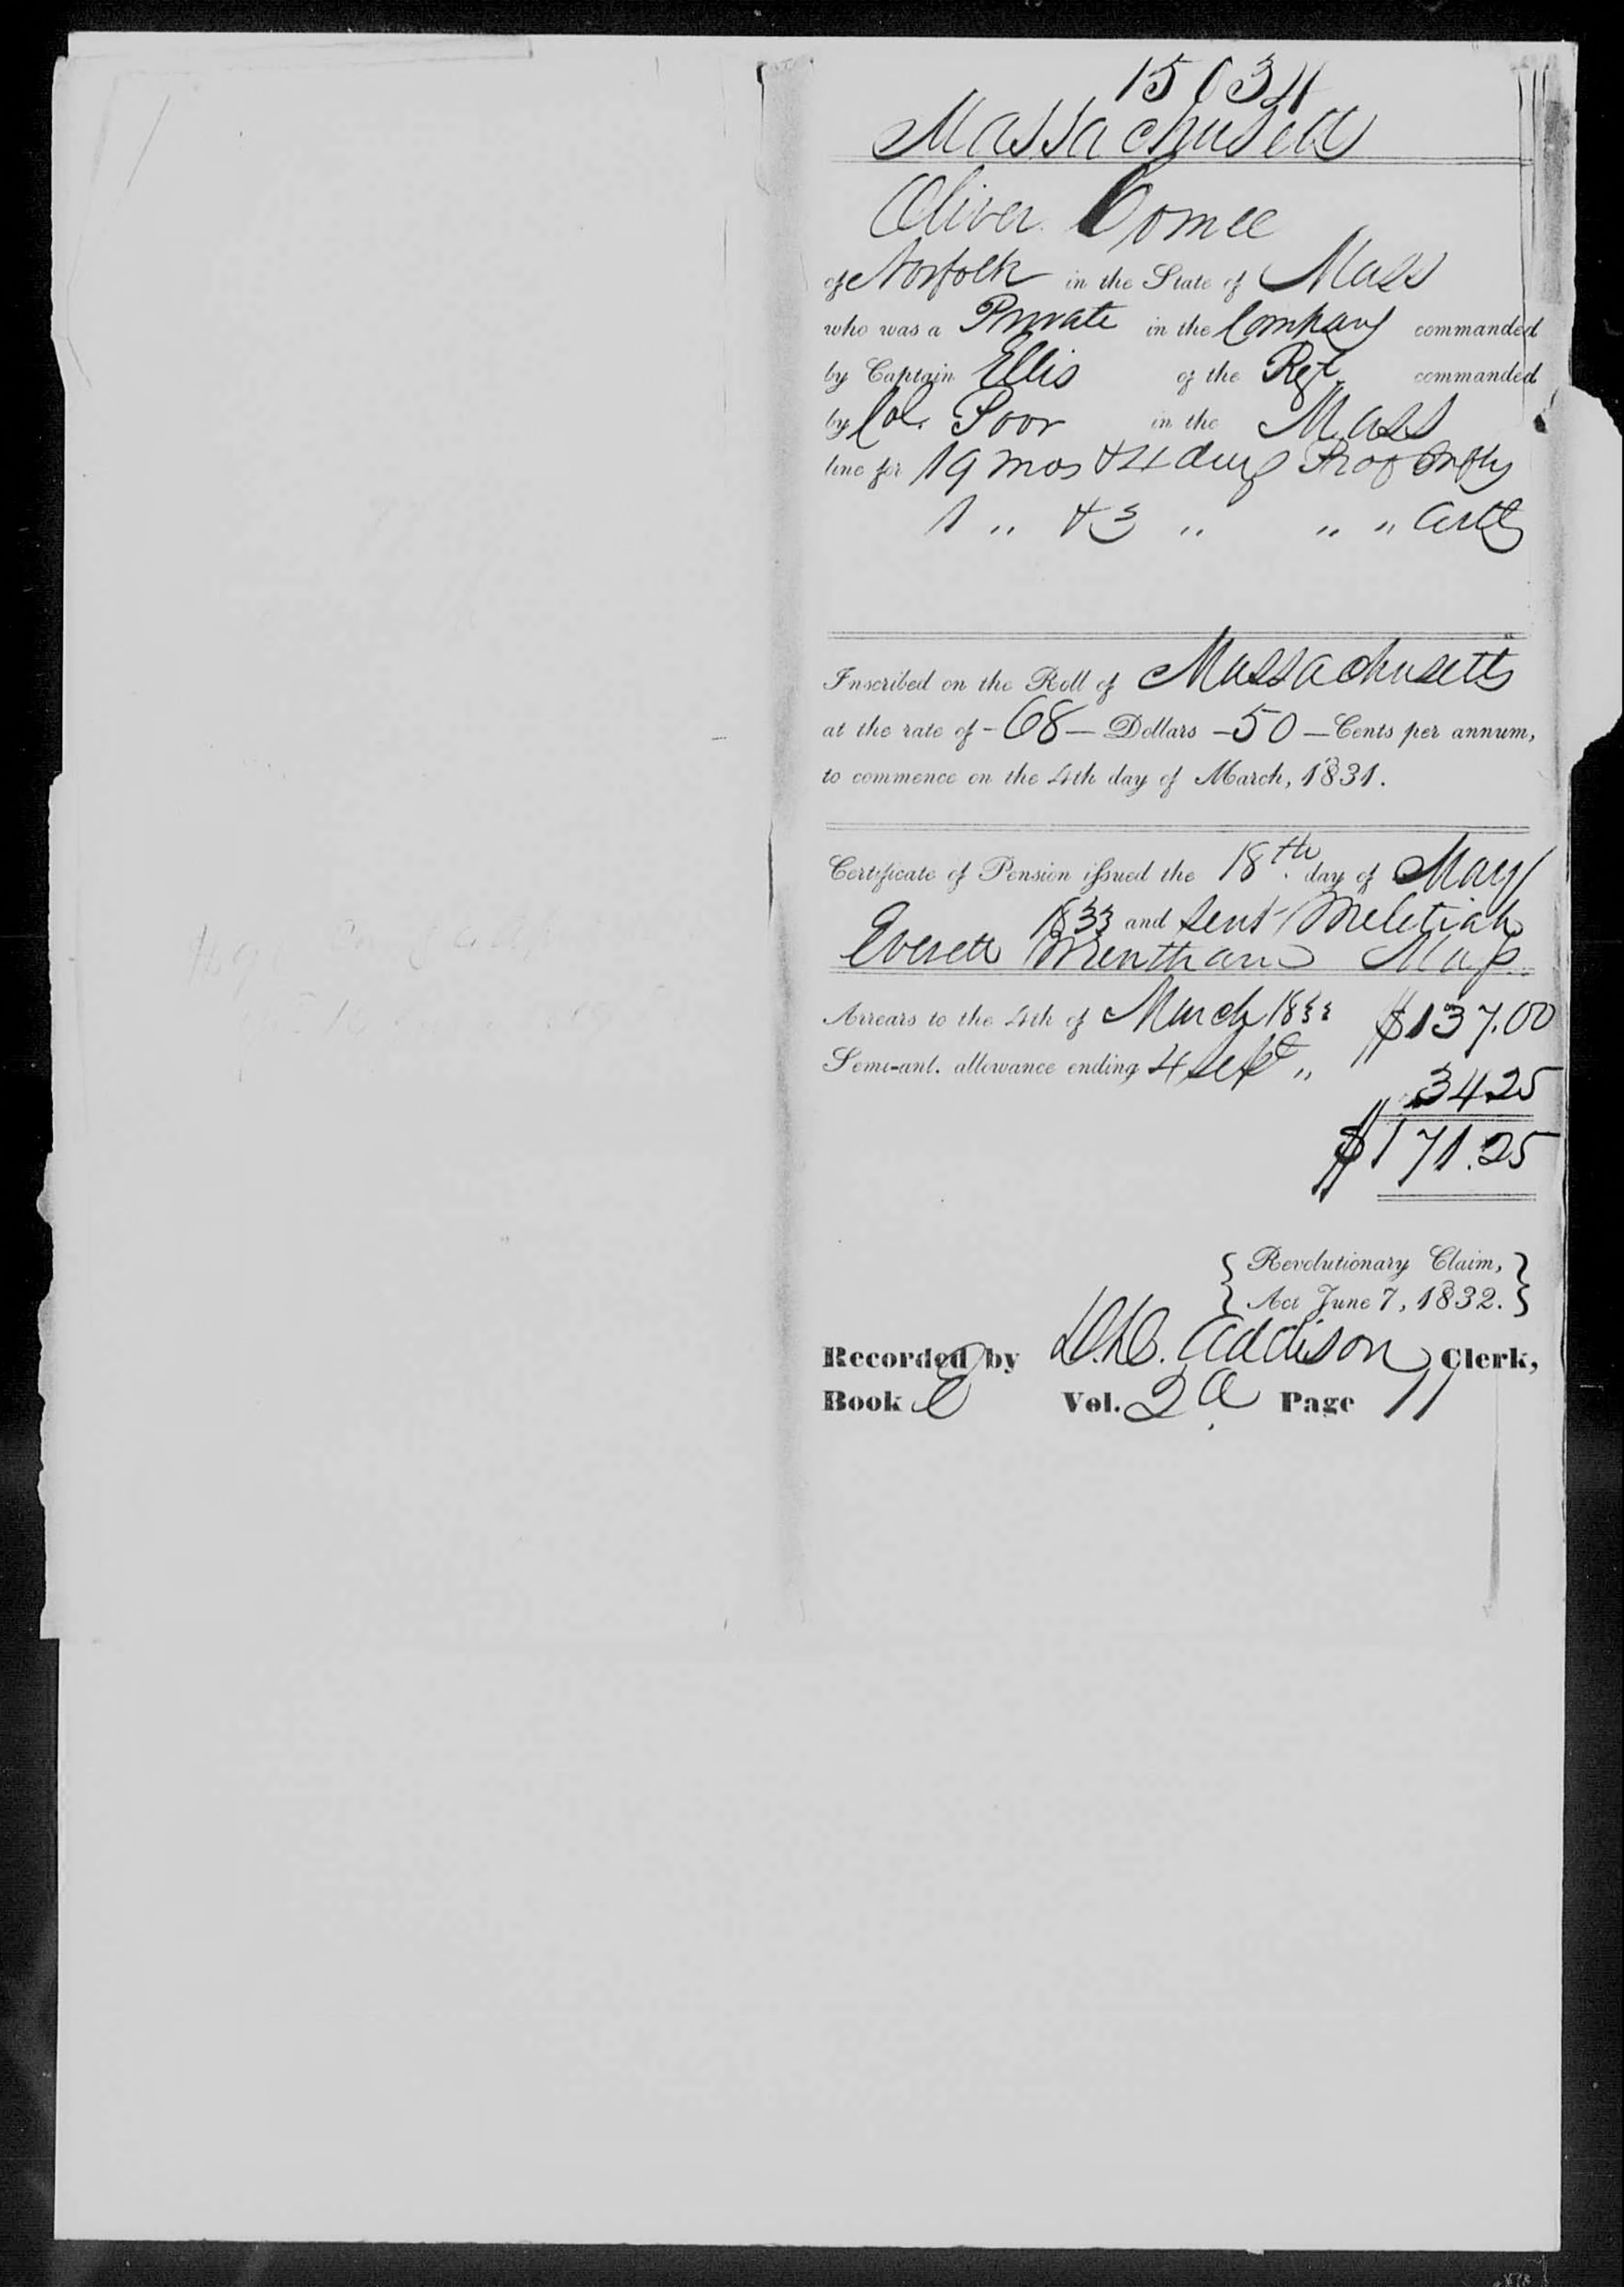Massachussettes
Oliver Comee of Norfolk in the State of Mass who was a Private in the Company commanded by Captain Ellis by Col. Poor commanded in the Mass line for 19 mos & day of July 1 " 3 " " " At Inscribed on the Roll of Massachusetts at the rate of 61-Dollars-50- Cents per annum, to commence on the 4th day of March, 1831. Certificate of Pension issued the 18th day of May 1833 and sent Meletiah Evered Mentham Map Arrears to the 4th of March 1832 Semi-anl. allowance ending 4 Sept $137.00 ┃ 3425 ┃ $171.25 ┃ Recorded by Book Revolutionary Claim, Act June 7, 1832. ⎬ D. D. Addison Clerk Vol. 2 Page 11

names: Ellis, D D Addison, Poor, Meletiah Everett, Oliver Comee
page: 2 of 45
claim: widow's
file: W. 14,567, Oliver Comee, Mass.